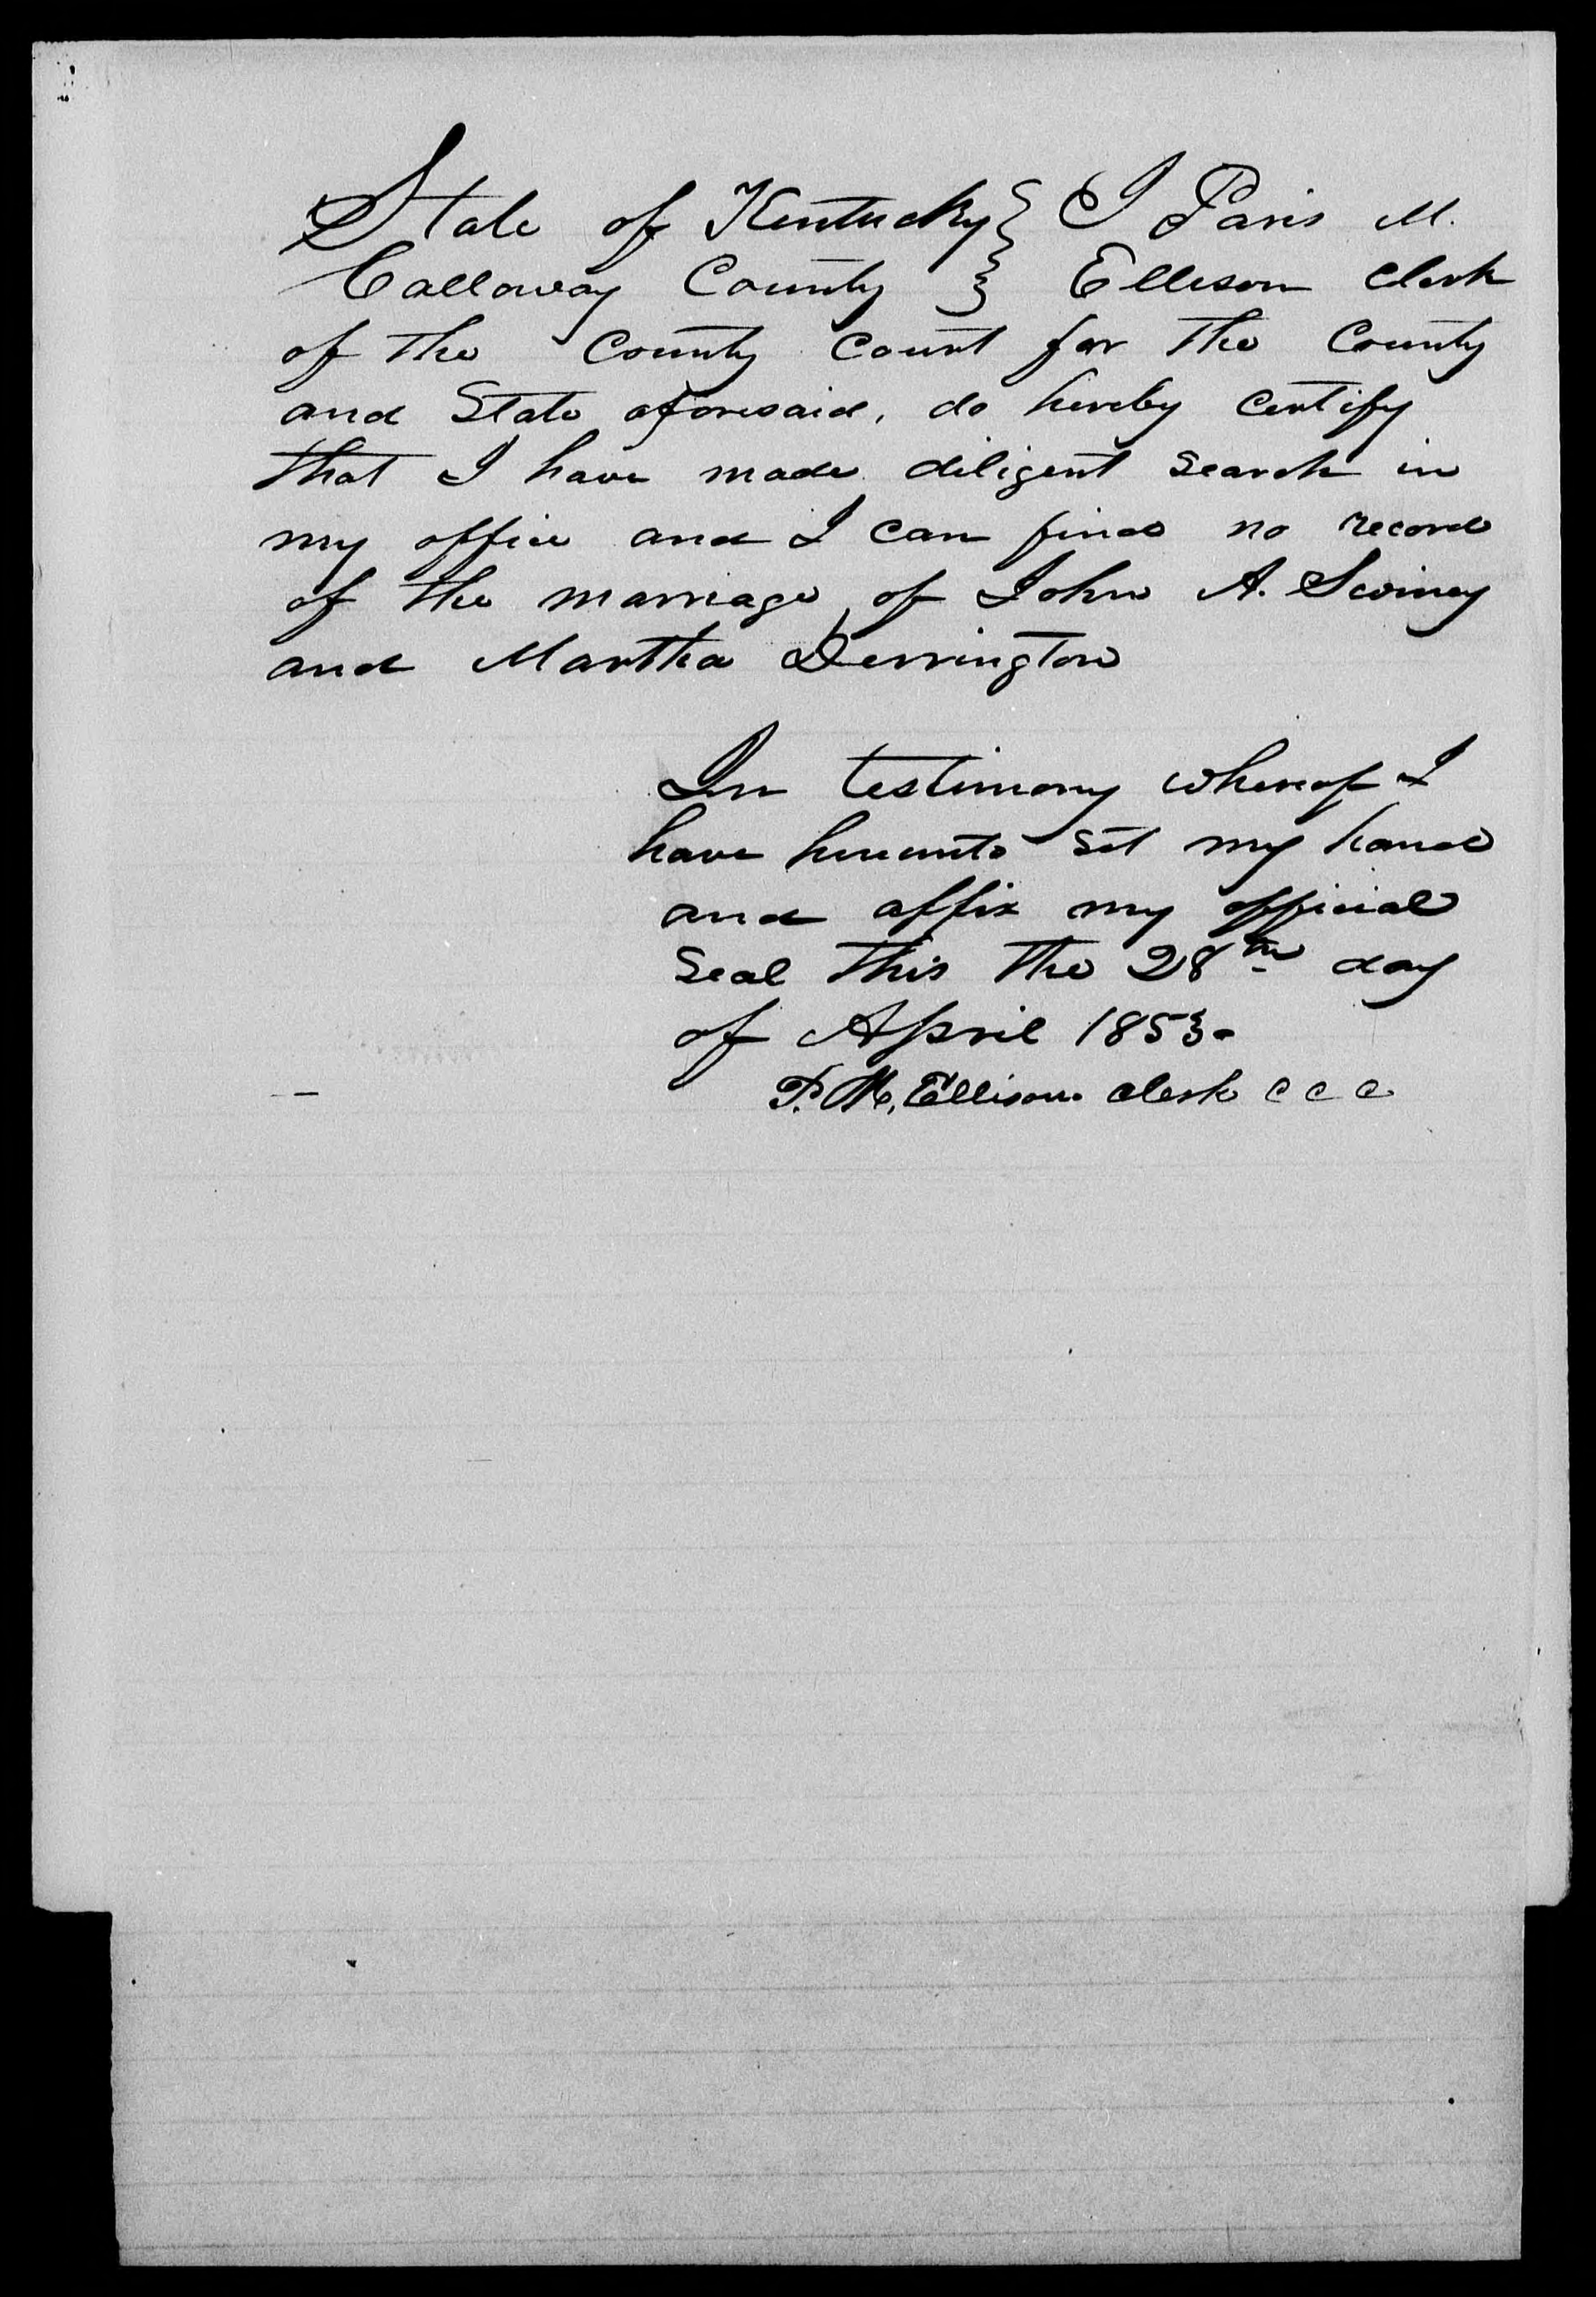State of Kentucky
Calloway County

I Paris M Ellison clerk of the county court for the county and state aforesaid, do hereby certify that I have made diligent search in my office and I can find no record of the marriage of John A Swiney and Martha Derrington.

In testimony whereof I have hereunto set my hand and affix my official seal this the 28th day of April 1853.

P.M. Ellison Clerk CCC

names: John A Swiney, Paris M Ellison, P M Ellison, Martha Derrington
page: 39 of 51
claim: widow's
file: W. 27,409, William Dunnington, Md.